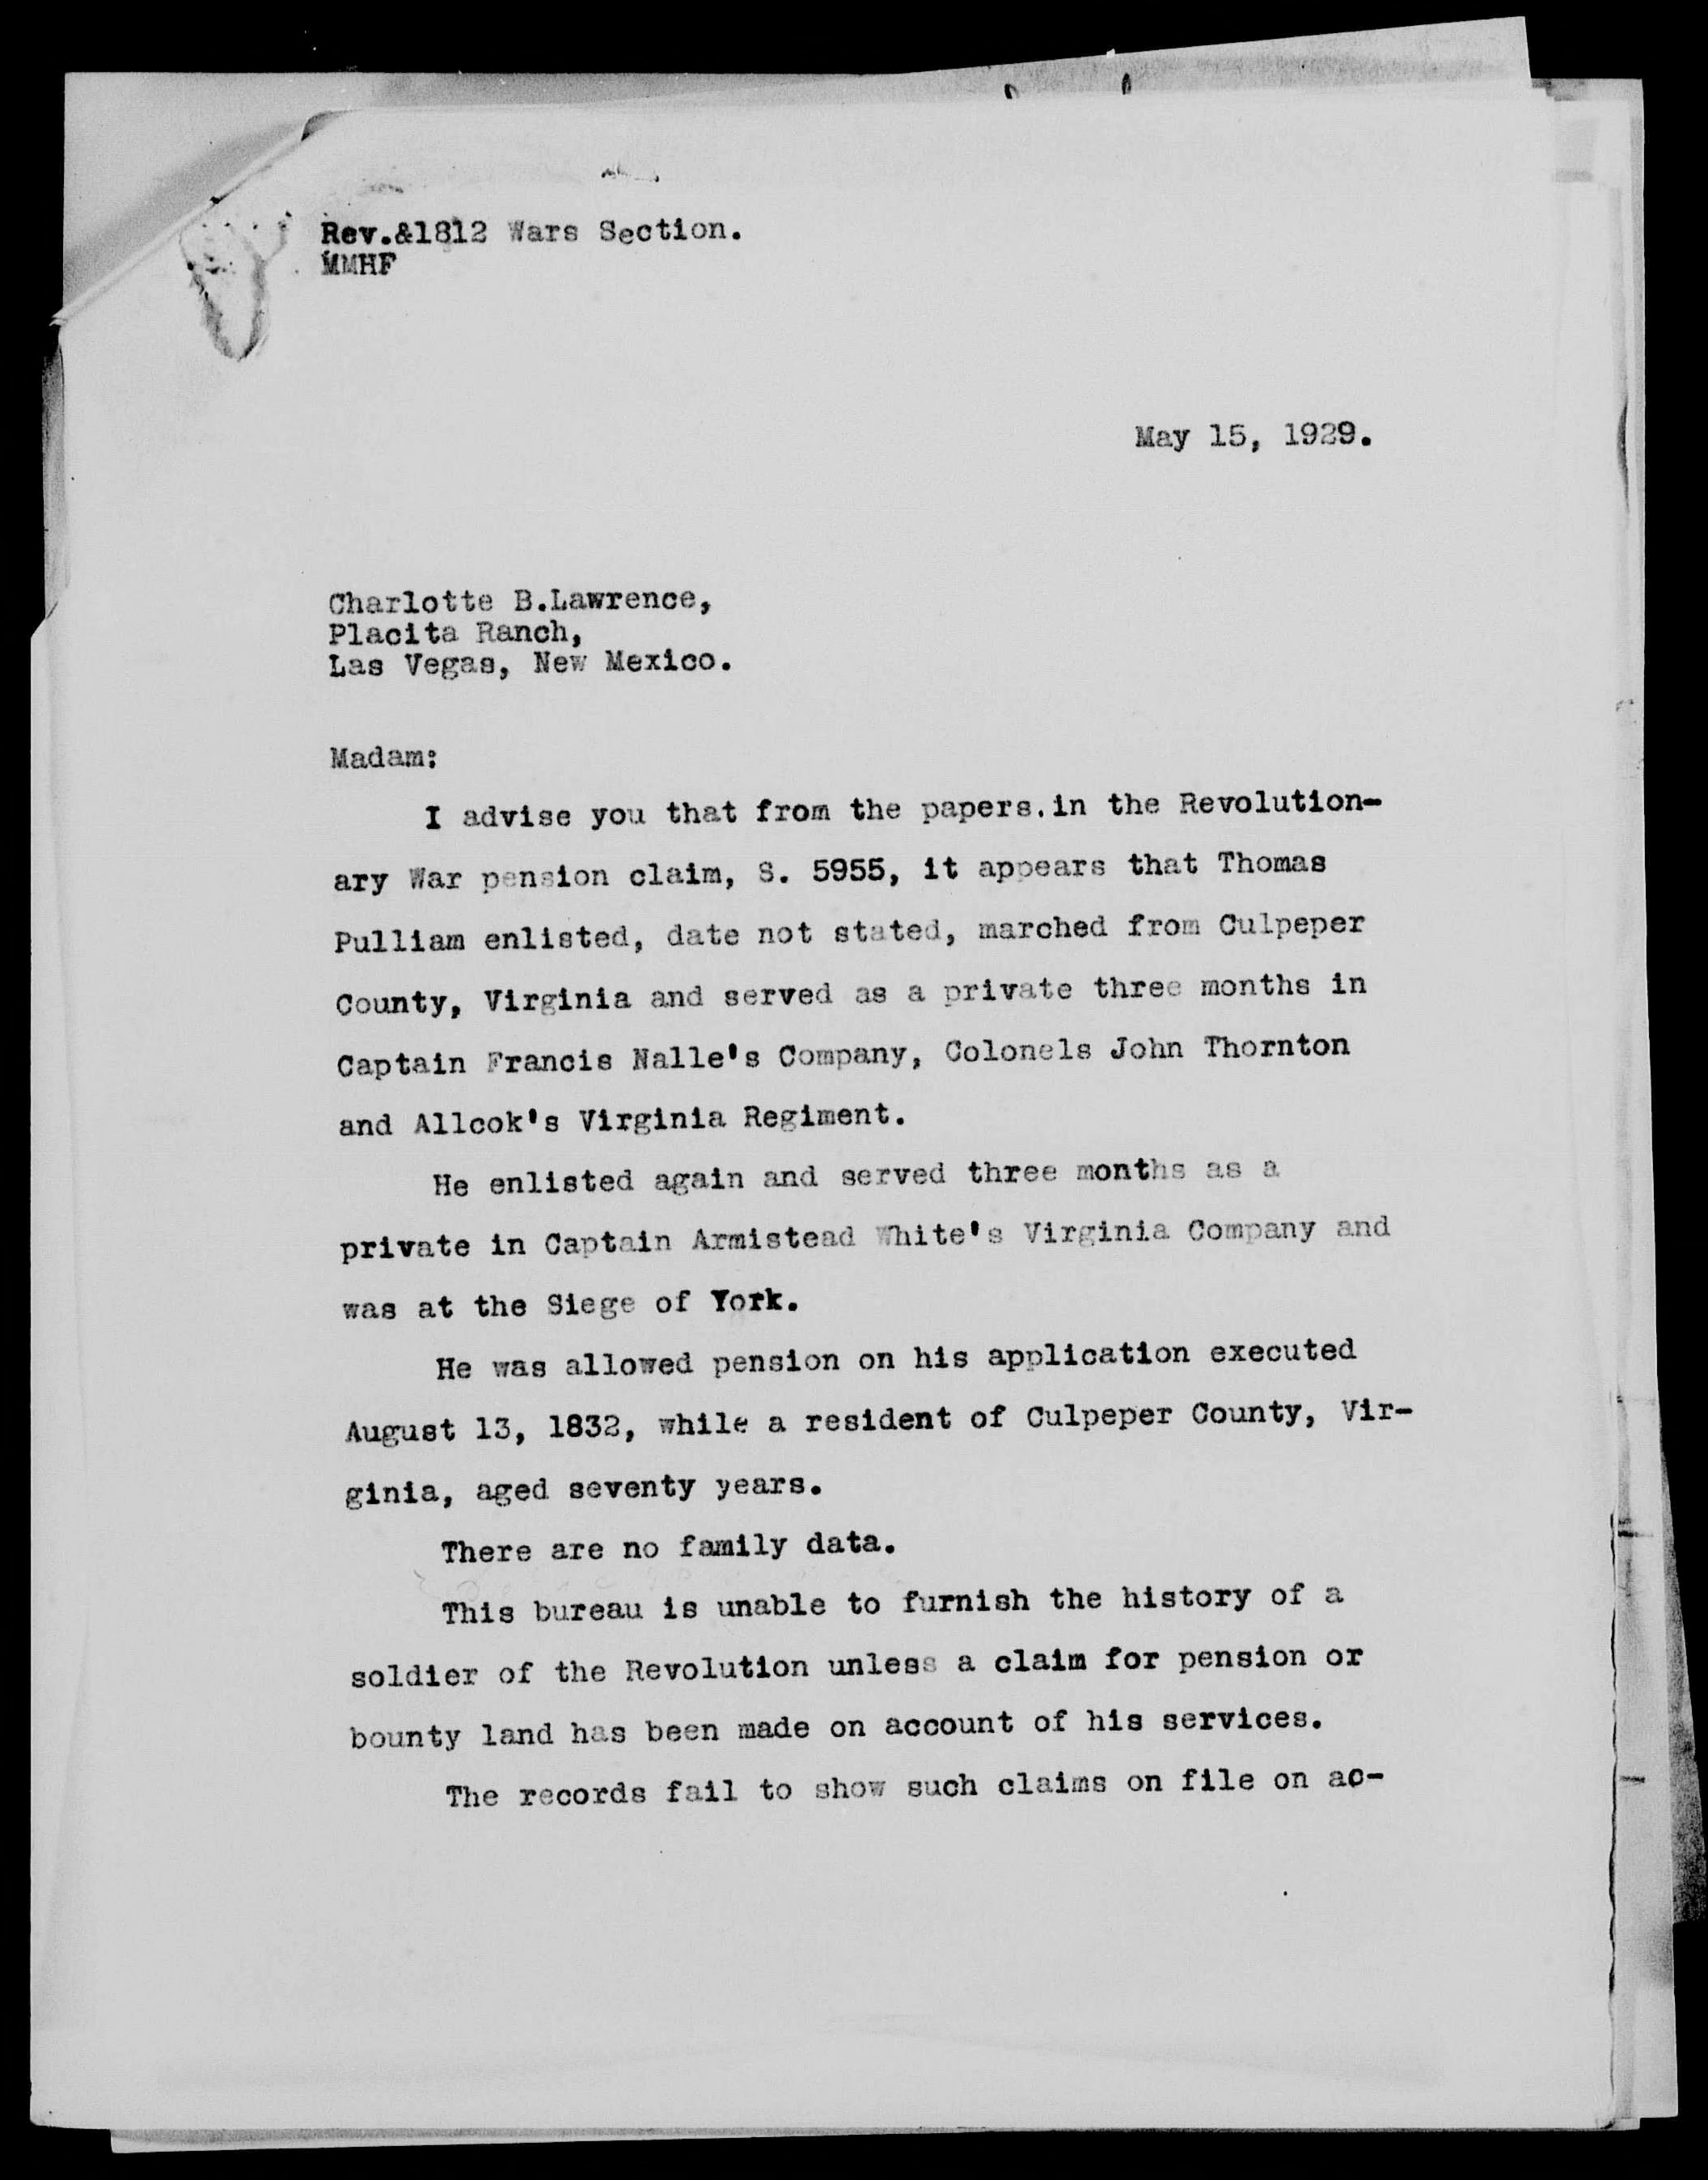Rev.&1812 Wars Section.
MMHF

May 15, 1929.

Charlotte B. Lawrence,
Placita Ranch,
Las Vegas, New Mexico.

Madam:

I advise you that from the papers in the Revolution
ary War pension claim, S. 5955, it appears that Thomas
Pulliam enlisted, date not stated, marched from Culpeper
County, Virginia and served as a private three months in
Captain Francis Nalle's Company, Colonels John Thornton
and Allook's Virginia Regiment.
He enlisted again and served three months as a
private in Captain Armistead White's Virginia Company and
was at the Siege of York.
He was allowed pension on his application executed
August 13, 1832, while a resident of Culpeper County, Virginia,
aged seventy years.
There are no family data.
This bureau is unable to furnish the history of a
soldier of the Revolution unless a claim for pension or
bounty land has been made on account of his services.
The records fail to show such claims on file on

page: 12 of 27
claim: survivor's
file: S. 5,955, for Thomas Pulliam, Virginia